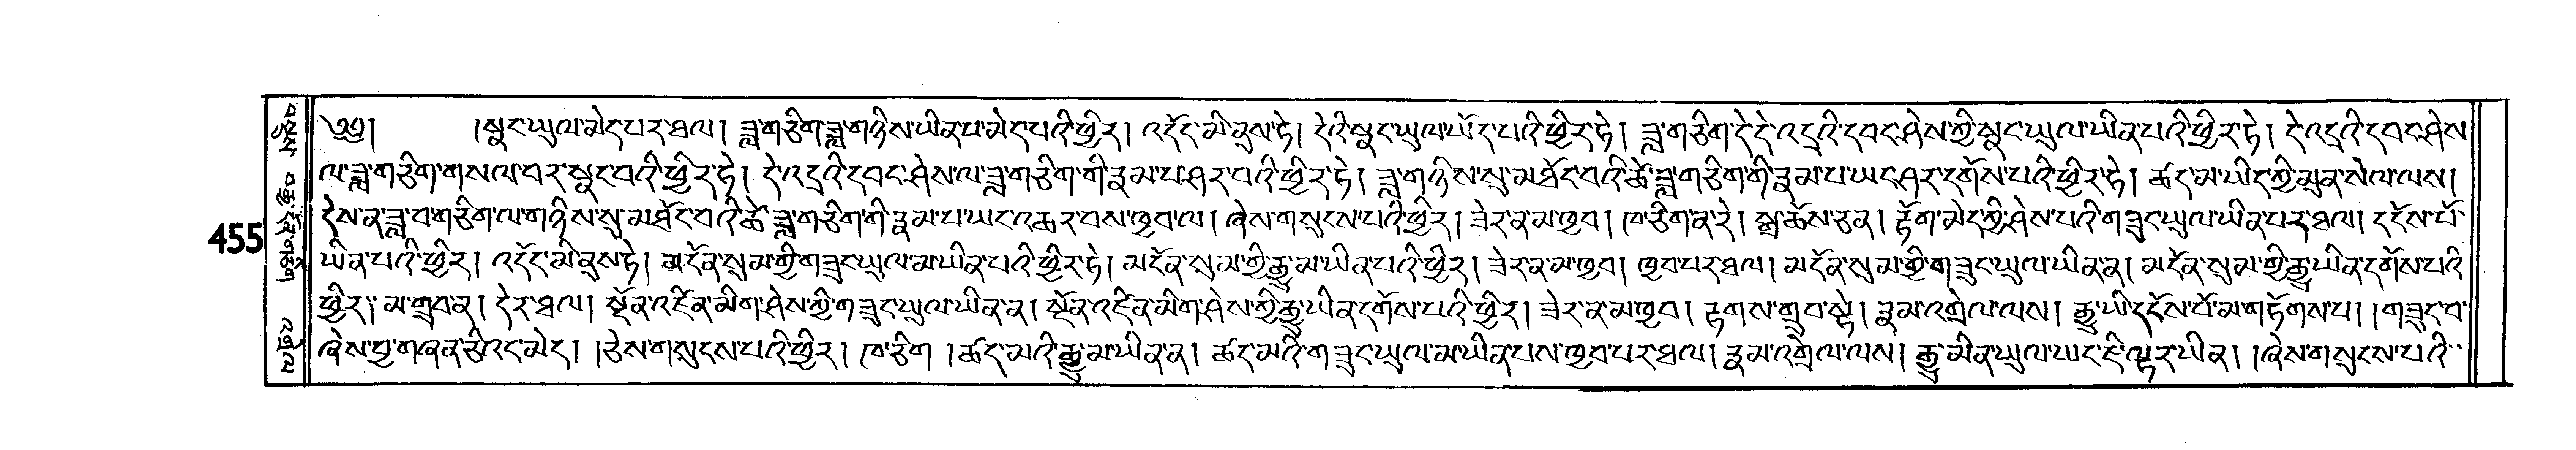༄༅། །སྣང་ཡུལ་མེད་པར་ཐལ། ཟླ་གཅིག་ཟླ་གཉིས་ཡིན་པ་མེད་པའི་ཕྱིར། འདོད་མི་ནུས་ཏེ། དེའི་སྣང་ཡུལ་ཡོད་པའི་ཕྱིར་ཏེ། ཟླ་གཅིག་དེ་དེ་འདྲའི་དབང་ཤེས་ཀྱི་སྣང་ཡུལ་ཡིན་པའི་ཕྱིར་ཏེ། དེ་འདྲའི་དབང་ཤེས་
ལ་ཟླ་གཅིག་གསལ་བར་སྣང་བའི་ཕྱིར་ཏེ། དེ་འདྲའི་དབང་ཤེས་ལ་ཟླ་གཅིག་གི་རྣམ་པ་བཤད་པའི་ཕྱིར་ཏེ། ཟླ་གཉིས་སུ་མཐོང་བའི་ཚེ་ཟླ་གཅིག་གི་རྣམ་པ་ཡང་ཤར་དགོས་པའི་ཕྱིར་ཏེ། ཚད་མ་ཡིད་ཀྱི་མུན་སེལ་ལས།
དེས་ན་ཟླ་བ་གཅིག་ལ་གཉིས་སུ་མཐོང་བའི་ཚེ་ཟླ་གཅིག་གི་རྣམ་པ་ཡང་འཆར་བས་ཁྱབ་ལ། ཞེས་གསུངས་པའི་ཕྱིར། ཟེར་ན་མ་ཁྱབ། ཁ་ཅིག་ན་རེ། སྒྲ་ཆོས་ཅན། རྟོག་མེད་ཀྱི་ཤེས་པའི་གཟུང་ཡུལ་ཡིན་པར་ཐལ། དངོས་པོ་
ཡིན་པའི་ཕྱིར། འདོད་མི་ནུས་ཏེ། མངོན་སུམ་གྱི་གཟུང་ཡུལ་མ་ཡིན་པའི་ཕྱིར་ཏེ། མངོན་སུམ་གྱི་རྒྱུ་མ་ཡིན་པའི་ཕྱིར། ཟེར་ན་མ་ཁྱབ། ཁྱབ་པར་ཐལ། མངོན་སུམ་གྱི་གཟུང་ཡུལ་ཡིན་ན། མངོན་སུམ་གྱི་རྒྱུ་ཡིན་དགོས་པའི་
ཕྱིར༑ མ་གྲུབ་ན། དེར་ཐལ། སྔོན་འཛིན་མིག་ཤེས་ཀྱི་གཟུང་ཡུལ་ཡིན་ན། སྔོན་འཛིན་མིག་ཤེས་ཀྱི་རྒྱུ་ཡིན་དགོས་པའི་ཕྱིར། ཟེར་ན་མ་ཁྱབ། རྟགས་གྲུབ་སྟེ། རྣམ་འགྲེལ་ལས། རྒྱུ་ཡི་དངོས་པོ་མ་གཏོགས་པ། །གཟུང་བ་
ཞེས་བྱ་གཞན་ཅིའང་མེད། །ཅེས་གསུངས་པའི་ཕྱིར། ཁ་ཅིག །ཚད་མའི་རྒྱུ་མ་ཡིན་ན། ཚད་མའི་གཟུང་ཡུལ་མ་ཡིན་པས་ཁྱབ་པར་ཐལ། རྣམ་འགྲེལ་ལས། རྒྱུ་མིན་ཡུལ་ཡང་ཇི་ལྟར་ཡིན། །ཞེས་གསུངས་པའི་